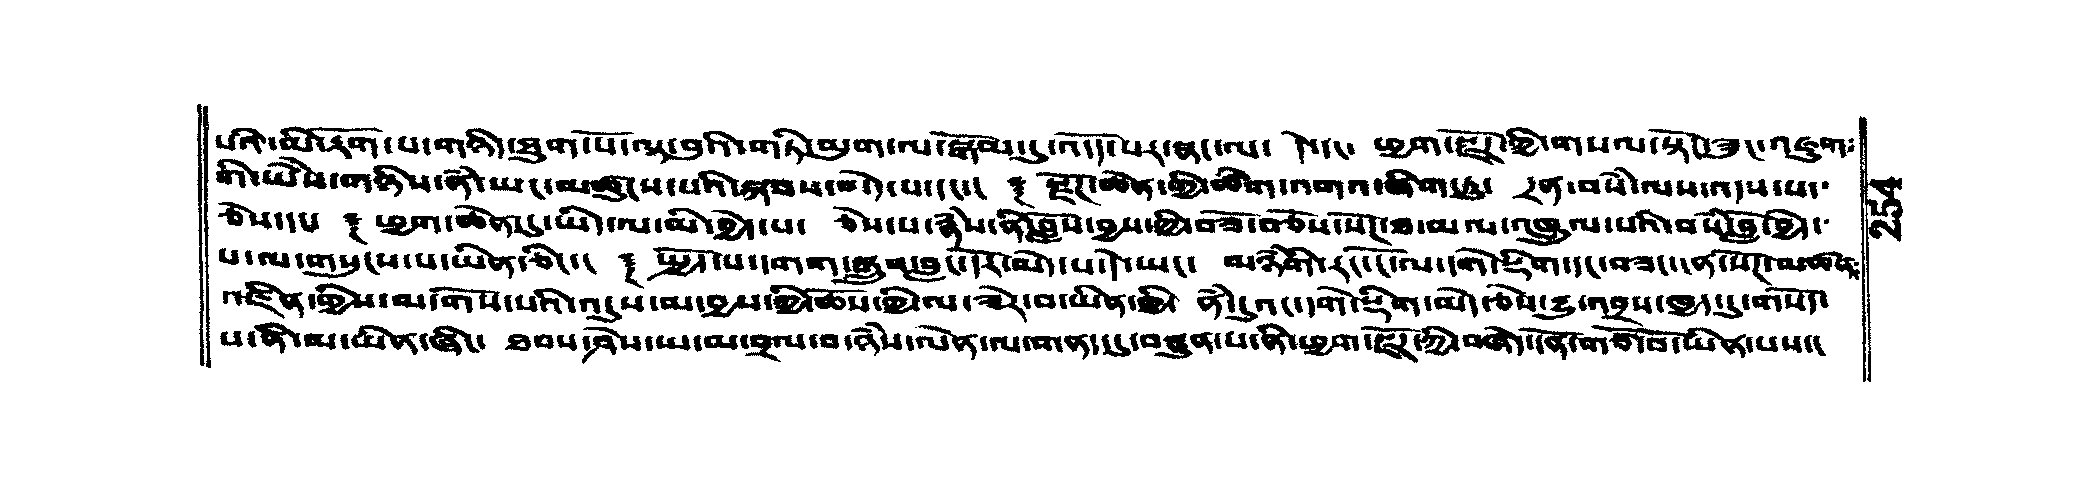པའི་མི་རྟོག་པ་གཉིད་ཐུག་པོ་ལྟ་བུའི་གཏི་མུག་ལ་སྒོམ་དུ་འདོད་པར་སྣང་ལ། དེ་དང་ཕྱག་རྫོགས་ཀྱི་གསལ་སྟོང་ཟུང་འཇུག་
གི་ཡེ་ཤེས་གཉིས་ནམ་ཡང་མཚུངས་པའི་སྐབས་མེད་པ་དང་། རྫོགས་ཆེན་གྱི་ཚིག་འགའ་ཞིག་ཏུ། དྲན་བསམ་ལས་འདས་པ་
ཞེས་དང་། ཕྱག་ཆེན་དུ་ཡིད་ལ་མི་བྱེད་པ། ཞེས་པ་རྣམས་ནི་བློས་བྱས་ཀྱི་བཟོ་བཅོས་སོགས་ཐ་མལ་འཁྲུལ་པའི་བསམ་བློ་བྱེད་
པ་ལ་གསུངས་པ་ཡིན་ཅིང་། སྤྱོད་པ་དགག་སྒྲུབ་བླང་དོར་མེད་པ་དེ་ཡང་། མཉམ་བཞག་གི་རང་ངོ་ལ་དགེ་སྡིག་དང་བཟང་ངན་སོགས་མཚན་
འཛིན་གྱིས་མ་གོས་པའི་འདུས་མ་བྱས་ཀྱི་ཆོས་ལ་ཟེར་བ་ཡིན་གྱི། ནམ་དུའང་དགེ་སྡིག་མེད་ཅེས་རྒྱུ་འབྲས་ཁྱད་དུ་གསོད་
པ་ནི་མ་ཡིན་ཞིང་། ཐབས་ཤེས་ཡ་མ་བྲལ་བར་ཉམས་ལེན་ལ་གནད་དུ་བསྣུན་པ་ནི་ཕྱག་རྫོགས་ཀྱི་བཞེད་དོན་གཙོ་བོ་ཡིན་པས།